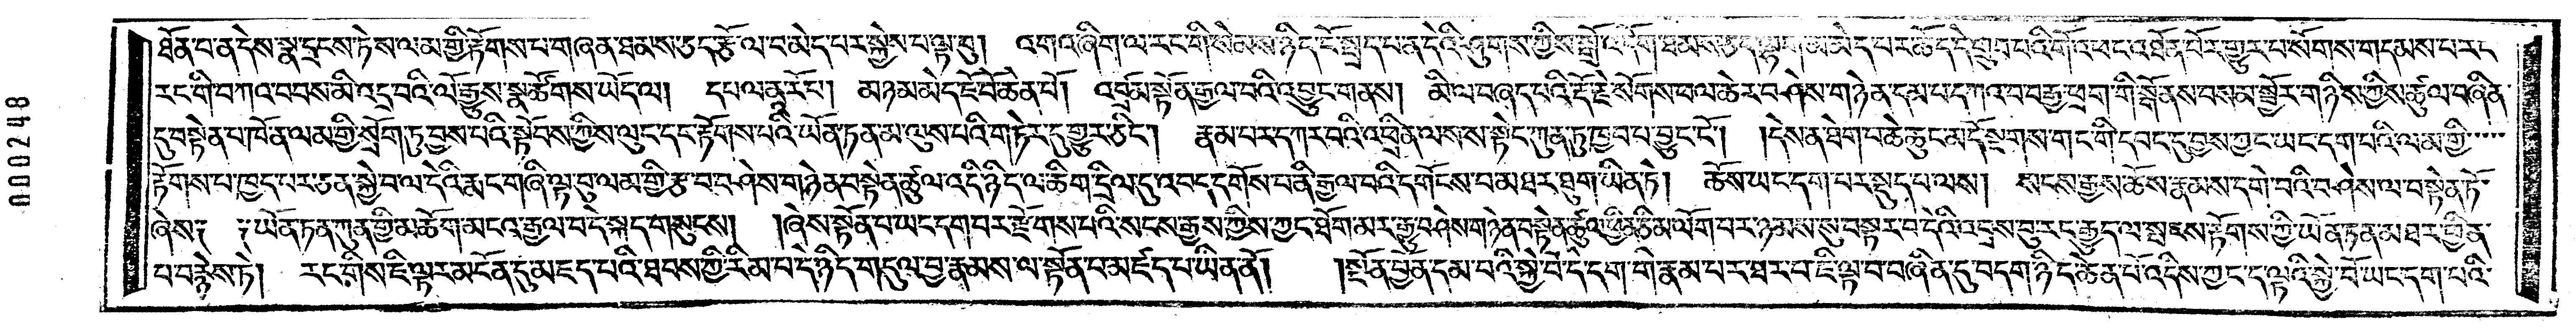ཐོན་པ་ན་དེས་སྣ་དྲབས་ཚེ་ལམ་གྱི་རྟོགས་པ་གཞན་ཐམས་ཅད་རྩོལ་བ་མེད་པར་སྐྱེས་བ་ལྟ་བུ། འགའ་ཞིག་ལ་རང་གི་སེམས་ཉིད་ངོ་སྤྲད་པ་ན་དེའི་ཤུགས་ཀྱིས་སྒྲོ་འདོག་ཐམས་ཅད་ལྷག་མ་མེད་པར་ཆོད་དེ་གྲུབ་པའི་གོ་འཕང་འཐོན་པོར་གྱུར་པ་སོགས་གདམས་པ་རང་
རང་གི་བཀའ་བབས་མི་འདྲ་བའི་ལོ་རྒྱུས་སྣ་ཚོགས་ཡོད་ལ། དཔལ་ནཱ་རོ་བ། མཉམ་མེད་ཇོ་བོ་ཆེན་པོ། །འབྲོམ་སྟོན་རྒྱལ་བའི་འབྱུང་གནས། མི་ལ་བཞད་པའི་རྡོ་རྗེ་སོགས་ཕལ་ཆེར་བཤེས་གཉེན་དམ་པ་དཀའ་བ་བརྒྱ་ཕྲག་གི་སྒོ་ནས་བསམ་སྦྱོར་གཉིས་ཀྱིས་ཚུལ་བཞིན་
དུ་བསྟེན་པ་ཁོ་ན་ལམ་གྱི་སྲོག་ཏུ་བྱས་པའི་སྟོབས་ཀྱིས་ལུང་དང་རྟོགས་པའི་ཡོན་ཏན་མ་ལུས་པའི་གཏེར་དུ་གྱུར་ཅིང་། རྣམ་པར་དཀར་བའི་འཕྲིན་ལས་ས་སྟེང་ཀུན་ཏུ་ཁྱབ་པ་བྱུང་ངོ། །དེས་ན་ཐེག་པ་ཆེ་ཆུང་མདོ་སྔགས་གང་གི་དབང་དུ་བྱས་ཀྱང་ཡང་དག་པའི་ལམ་གྱི་
རྟོགས་པ་ཁྱད་པར་ཅན་སྐྱེ་བ་ལ་དེའི་རྨང་གཞི་ལྟ་བུ་ལམ་གྱི་རྩ་བ་བཤེས་གཉེན་བསྟེན་ཚུལ་འདི་ཉིད་ལ་ཆིག་དྲིལ་དུ་འབད་དགོས་པ་ནི་རྒྱལ་བའི་དགོངས་པ་མཐར་ཐུག་ཡིན་ཏེ། ཆོས་ཡང་དག་པར་སྡུད་པ་ལས། སངས་རྒྱས་ཆོས་རྣམས་དགེ་བའི་བཤེས་ལ་བསྟེན་ཏོ་
ཞེས༑ ༑ཡོན་ཏན་ཀུན་གྱི་མཆོག་མངའ་རྒྱལ་བ་དེ་སྐད་གསུངས། །ཞེས་སྟོན་པ་ཡང་དག་པར་རྫོགས་པའི་སངས་རྒྱས་ཀྱིས་ཀྱང་ཐོག་མར་རྒྱུ་བཤེས་གཉེན་བསྟེན་ཚུལ་ཕྱིན་ཅི་མ་ལོག་པར་ཉམས་སུ་བསྟར་བ་དེའི་འབྲས་བུ་རང་རྒྱུད་ལ་སྤངས་རྟོགས་ཀྱི་ཡོན་ཏན་མཐར་ཕྱིན་
པ་བརྙེས་ཏེ། རང་གིས་ཇི་ལྟར་མངོན་དུ་མཛད་པའི་ཐབས་ཀྱི་རིམ་པ་དེ་ཉིད་གདུལ་བྱ་རྣམས་ལ་སྟོན་པ་མཛད་པ་ཡིན་ནོ། །སྔོན་བྱོན་དམ་པའི་སྐྱེ་བོ་དེ་དག་གི་རྣམ་པར་ཐར་པ་ཇི་ལྟ་བ་བཞིན་དུ་བདག་ཉིད་ཆེན་པོ་འདིས་ཀྱང་ད་ལྟའི་སྐྱེ་བོ་ཡང་དག་པའི་